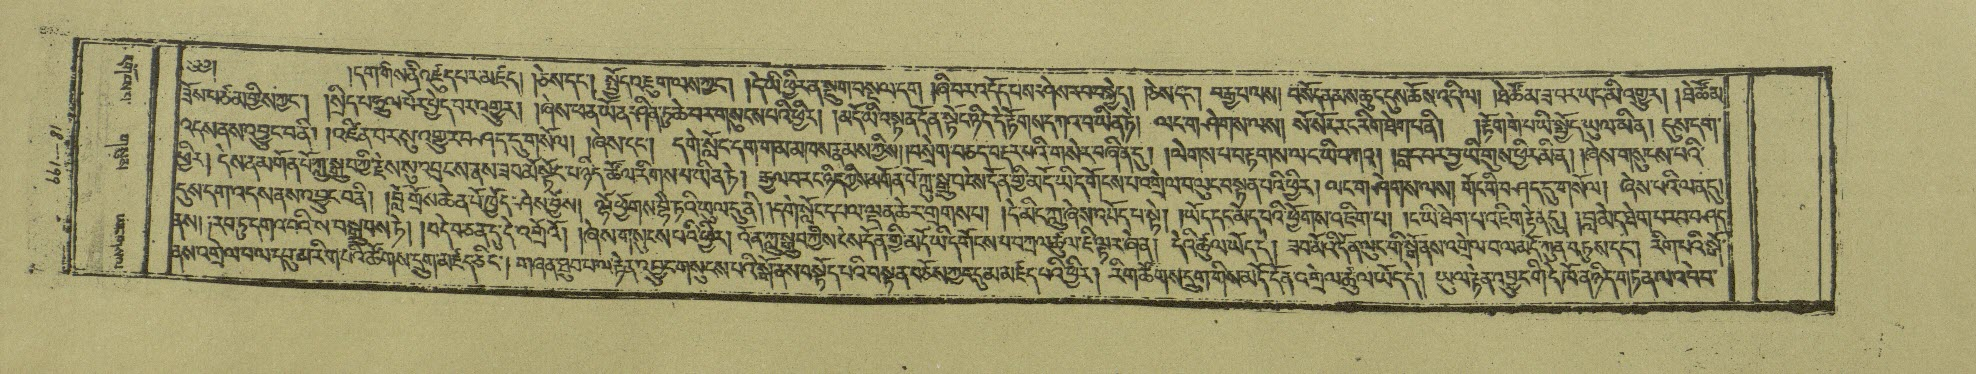༄༅། །དག་གིས་ནི་འཛུད་པར་མཛད། །ཅེས་དང་། སྤྱོད་འཇུག་ལས་ཀྱང་། །དེ་ཡི་ཕྱིར་ན་སྡུག་བསྔལ་དག །ཞི་བར་འདོད་པས་ཤེས་རབ་བསྐྱེད། །ཅེས་དང་། བརྒྱ་པ་ལས། བསོད་ནམས་ཆུང་དུས་ཆོས་འདི་ལ། །ཐེ་ཚོམ་ཟ་བར་ཡང་མི་འགྱུ། །ཐེ་ཚོམ་
ཟོས་པ་ཙམ་གྱིས་ཀྱང་། །སྲིད་པ་ཧྲུལ་པོར་བྱེད་པར་འགྱུར། ཞེས་ཕན་ཡོན་ཤིན་ཏུ་ཆེ་བར་གསུངས་པའི་ཕྱིར། །མདོ་ཡི་བསྟན་དོན་སྟོང་ཉིད་དེ་རྟོགས་དཀའ་བ་ཡིན་ཏེ། ལང་གཤེགས་ལས། སོ་སོར་རང་རིག་ཐེག་པ་ནི། །རྟོག་གེ་པ་ཡི་སྤྱོད་ཡུལ་མིན། །དུས་དག་
འདས་ནས་འབྱུང་བ་ནི། །འཛིན་པར་སུ་འགྱུར་བཤད་དུ་གསོལ། །ཞེས་དང་། དགེ་སློང་དག་གམ་མཁས་རྣམས་ཀྱིས། །བསྲེག་བཅད་བརྡར་བའི་གསེར་བཞིན་དུ། །ལེགས་པ་བརྟགས་ལ་ང་ཡི་བཀའ། །བླང་བར་བྱ་ཡི་གུས་ཕྱིར་མིན། །ཞེས་གསུངས་པའི་
ཕྱིར། དེས་ན་མགོན་པོ་ཀླུ་སྒྲུབ་ཀྱི་རྗེས་སུ་འབྲངས་ནས་ཟབ་མོ་སྟོང་པ་ཉིད་ཚོལ་རིགས་པ་ཡིན་ཏེ། རྒྱལ་བ་རང་ཉིད་ཀྱིས་མགོན་པོ་ཀླུ་སྒྲུབ་ངེས་དོན་གྱི་མདོ་ཡི་དགོངས་པ་འགྲེལ་བ་ལུང་བསྟན་པའི་ཕྱིར། ལང་གཤེགས་ལས། གོང་གི་བཤད་དུ་གསོལ། ཞེས་པའི་ལན་དུ་
དུས་དག་འདས་ནས་འབྱུང་བ་ནི། །བློ་གྲོས་ཆེན་པོ་ཁྱོད་ཤེས་བྱོས། ལྷོ་ཕྱོགས་བྷཻ་ཏའི་ཡུལ་དུ་ནི། །དགེ་སློང་དཔལ་ལྡན་ཆེར་གྲགས་པ། །དེ་མིང་ཀླུ་ཞེས་འབོད་པ་སྟེ། །ཡོད་དང་མེད་པའི་ཕྱོགས་འཇིག་པ། །ང་ཡི་ཐེག་པ་འཇིག་རྟེན་དུ། །བླ་མེད་ཐེག་པ་རབ་བཤད་
ནས། །རབ་ཏུ་དགའ་བའི་ས་བསྒྲུབ་ཏེ། །བདེ་བ་ཅན་དུ་དེ་འགྲོའོ། །ཞེས་གསུངས་པའི་ཕྱིར། འོ་ན་ཀླུ་སྒྲུབ་ཀྱིས་ངེས་དོན་གྱི་མདོ་ཡི་དགོངས་པ་བཀྲལ་ཚུལ་ཇི་ལྟར་ཞེ་ན། དེའི་ཚུལ་ཡོད་དེ། ཟབ་མོའི་དོན་ལུང་གི་སྒོ་ནས་འགྲེལ་བ་ལ་མདོ་ཀུན་བཏུས་དང་། རིག་པའི་སྒོ་
ནས་འགྲེལ་བ་ལ་དབུ་མ་རིག་པའི་ཚོགས་དྲུག་མཛད་ཅིང་། གཞན་ཐུབ་པ་ལ་རྟེན་འབྱུང་གསུངས་པའི་སྒོ་ནས་བསྟོད་པའི་བསྟན་བཅོས་ཀྱང་དུ་མ་མཛད་པའི་ཕྱིར། རིག་ཚོགས་དྲུག་གིས་མདོ་དོན་འགྲེལ་ཚུལ་ཡོད་དེ། ཡུལ་རྟེན་འབྱུང་གི་དེ་ཁོ་ན་ཉིད་གཏན་ལ་འབེབ་